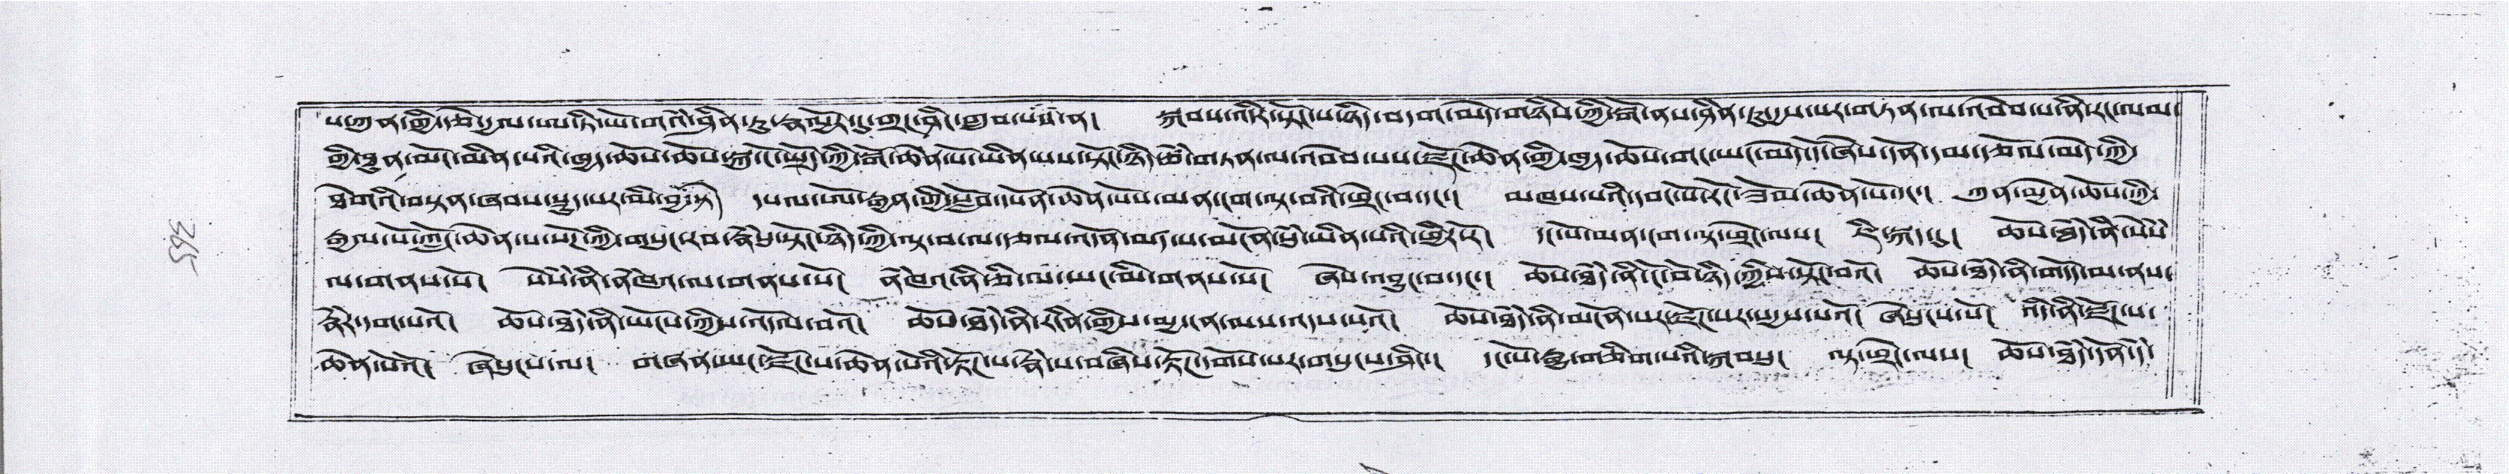པ་ཀུན་གྱི་རྩེ་རྒྱལ་ཨ་ཏི་ཡོ་གའི་ཤིན་ཏུ་རྣལ་འབྱོར་དུ་གྲངས་ཤིང་གྲུབ་པས་ན། སྐབས་འདིར་སྟོང་པ་ཉིད་བདག་མེད་གཉིས་ཀྱི་སྒོ་ནས་ཤིན་ཏུ་རྒྱས་པར་གཏན་ལ་འབེབ་པ་ནི་རང་ལམ་
གྱི་ཐུན་མོང་མིན་པའི་ཁྱད་ཆོས་ཆོས་སྐུ་ངོ་སྤྲོད་ཀྱི་སྒོ་ཆེན་པོ་ཡིན་པས་སྟོང་ཉིད་ཙམ་གཏན་ལ་འབེབ་པས་རྫོགས་ཆེན་གྱི་ཁྱད་ཆོས་གང་ཡང་མེད་དོ་ཞེས་དོན་དམ་རྩོལ་མེད་ཀྱི་
ཐེག་པའི་བསྟན་ཞབས་སྡུད་པར་མི་བྱ་སྟེ། དཔལ་ཨོ་རྒྱན་གྱི་སློབ་དཔོན་ཆེན་པོས་མན་ངག་ལྟ་བའི་ཕྲེང་བ་དང། མཁས་པའི་དབང་པོ་རོང་ཟོམ་ཆེན་པོ་དང། ཀུན་མཁྱེན་ཆོས་ཀྱི་
རྒྱལ་པོ་ཀློང་ཆེན་པ་སོགས་ཀྱི་གསུང་རབ་རྣམས་སུ་སྟོང་ཉིད་ཀྱི་ལྟ་བ་ལ་རྩལ་འདོན་མཛད་པ་མངོན་སུམ་ཡིན་པའི་ཕྱིར་རོ། དང་པོ་མན་ངག་ལྟ་ཕྲེང་ལས། ཇི་སྐད་དུ། ཆོས་ཐམས་ཅད་ནི་སེམས་
ལ་གནས་སོ། སེམས་ནི་ནམ་མཁའ་ལ་གནས་སོ། ནམ་མཁའ་ནི་ཅི་ལ་ཡང་མི་གནས་སོ། ཞེས་འབྱུང་བ་དང། ཆོས་ཐམས་ཅད་ནི་ངོ་བོ་ཉིད་ཀྱིས་སྟོང་པའོ། ཆོས་ཐམས་ཅད་ནི་གདོད་མ་ནས་
རྣམ་པར་དག་པའོ། ཆོས་ཐམས་ཅད་ནི་ཡོངས་ཀྱིས་འདོལ་བའོ། ཆོས་ཐམས་ཅད་ནི་རང་བཞིན་གྱིས་མྱ་ངན་ལས་འདས་པའོ། ཆོས་ཐམས་ཅད་ནི་མངོན་པར་རྫོགས་པར་སངས་རྒྱས་པའོ། ཞེས་གསུངས་སོ། འདི་ནི་རྫོགས་པ་
ཆེན་པོའོ། ཞེས་གསུངས་ལ། གཞན་ཡང་རྫོགས་པ་ཆེན་པོའི་རྟོགས་པ་རྣམ་པ་བཞིས་རྟོགས་དགོས་པར་གསུངས་ཤིང། དང་པོ་རྒྱུ་གཅིག་པའི་སྐབས་སུ། ལྟ་ཕྲེང་ལས། ཆོས་ཐམས་ཅད་དོན་དམ་